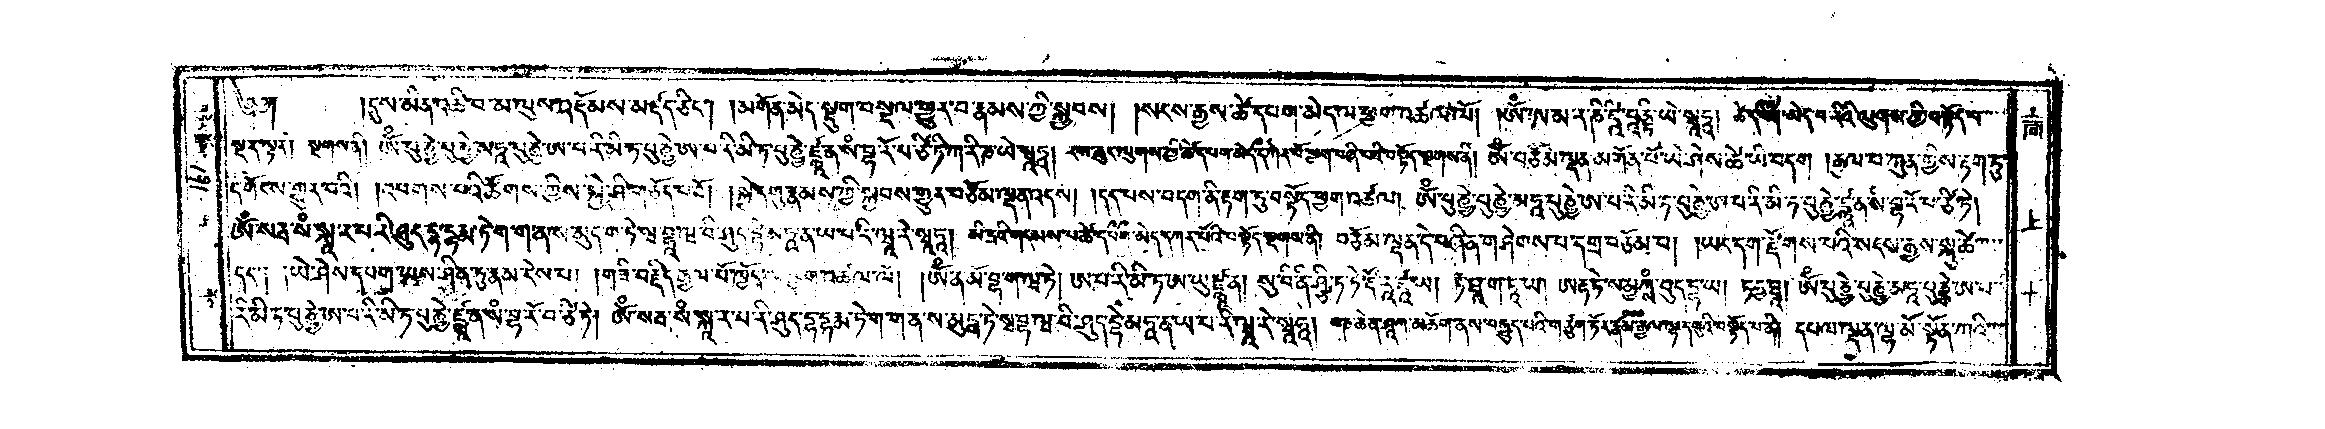༄༅། །དུས་མིན་འཆི་བ་མ་ལུས་འཇོམས་མཛད་ཅིང་། །མགོན་མེད་སྡུག་བསྔལ་གྱུར་པ་རྣམས་ཀྱི་སྐྱབས། །སངས་རྒྱས་ཚེ་དཔག་མེད་ལ་ཕྱག་འཚལ་ལོ། །ཨོཾ་ཨ་མ་ར་ཎི་ཛཱི་བཱནྟི་ཡེ་སྭཱཧཱ། ཚེ་དཔག ༩༧་མེད་བ་རིའི་ལུགས་ཀྱི་བསྟོད་པ་
སྔར་ལྟར། སྔགས་ནི། ཨོཾ་པུཎྱེ་མཧཱ་པུཎྱེ་ཨ་པ་རི་མི་ཏ་པུཎྱེ་ཛྙཱ་ན་སཾ་བྷ་རོ་པ་ཙི་ཏི་ཀ་རི་ཎ་ཡེ་སྭཱཧཱ། རས་ཆུང་ལུགས་ཀྱི་ཚེ་དཔག་མེད་དཀར་༩༨་པོ་ཕྱག་བཞི་བའི་བསྟོད་སྔགས་ནི། ཨོཾ་བཅོམ་ལྡན་མགོན་པོ་ཡེ་ཤེས་ཚེ་ཡི་བདག །རྒྱལ་བ་ཀུན་གྱིས་རྟག་ཏུ་
དགོངས་གྱུར་པའི། །འཕགས་པའི་ཚོགས་ཀྱིས་སྐྱེ་ཤི་གཅོད་པའོ། །སྐྱེ་དགུ་རྣམས་ཀྱི་སྐྱབས་གྱུར་བཅོམ་ལྡན་འདས། །དད་པས་བདག་ནི་རྟག་ཏུ་བསྟོད་ཕྱག་འཚལ། ཨོཾ་པུཎྱ་པུཎྱེ་མཧཱ་པུཎྱེ་ཨ་པ་རི་མི་ཏ་པུཎྱེ་ཨ་པ་རི་མི་ཏ་པུཎྱེ་ཛྙཱ་ན་སཾ་བྷ་རོ་པ་ཙི་ཏེ།
ཨོཾ་སརྦ་སཾ་སྐཱ་ར་པ་རི་ཤུད་དྷ་དྷརྨ་ཏེ་ག་ག་ན་ས་མུད་ག་ཏེ་སྭ་བྷཱ་ཝ་བི་ཤུད་དྷེ་མཧཱ་ན་ཡ་པ་རི་ཝཱ་རེ་སྭཱཧཱ། མི་དྲའི་གདམས་པ་ཚེ་དཔག ༩༩་མེད་དཀར་པོའི་བསྟོད་སྔགས་ནི། བཅོམ་ལྡན་དེ་བཞིན་གཤེགས་པ་དགྲ་བཅོམ་པ། །ཡང་དག་རྫོགས་པའི་སངས་རྒྱས་སྐུ་ཚེ་
དང༑ ༑ཡེ་ཤེས་དཔག་ཡས་ཤིན་ཏུ་རྣམ་ངེས་པ། །གཟི་བརྗིད་རྒྱལ་པོ་ཁྱོད་ལ་ཕྱག་འཚལ་ལོ། །ཨོཾ་ན་མོ་བྷ་ག་ཝ་ཏེ། ཨ་པ་རི་མི་ཏ་ཨ་ཡུརྫྙཱ་ན། སུ་བི་ནི་ཤྩི་ཏ་ཏེ་ཛོ་རཱ་ཛཱ་ཡ། ཏ་ཐཱ་ག་ཏཱ་ཡ། ཨརྷ་ཏེ་སམྱཀྶཾ་བུད་དྷ་ཡ། ཏདྱ་ཐཱ། ཨོཾ་པུཎྱེ་པུཎྱེ་མཧཱ་པུཎྱེ་ཨ་པ་
རི་མི་ཏ་པུཎྱེ་ཨ་པ་རི་མི་ཏ་པུཎྱེ་ཛྙཱ་ན་སཾ་བྷ་རོ་པ་ཙི་ཏེ། ཨོཾ་སརྦ་སཾ་སྐཱ་ར་པ་རི་ཤུད་དྷ་དྷརྨ་ཏེ་ག་ག་ན་ས་མུངྒ་ཏེ་སྭ་བྷ་ཝ་བི་ཤུད་དྷེ་མཧཱ་ན་ཡ་པ་རི་ཝཱ་རེ་སྭཱཧཱ། པཎ་ཆེན་ཤཱཀྱ?་མཆོག་ནས་བརྒྱུད་པའི་གཙུག་ཏོར་རྣམ ༡༠༠་རྒྱལ་ལྷ་དགུའི་བསྟོད་པ་ནི། དཔལ་ལྡན་ལྷ་མོ་སྟོན་ཀའི་